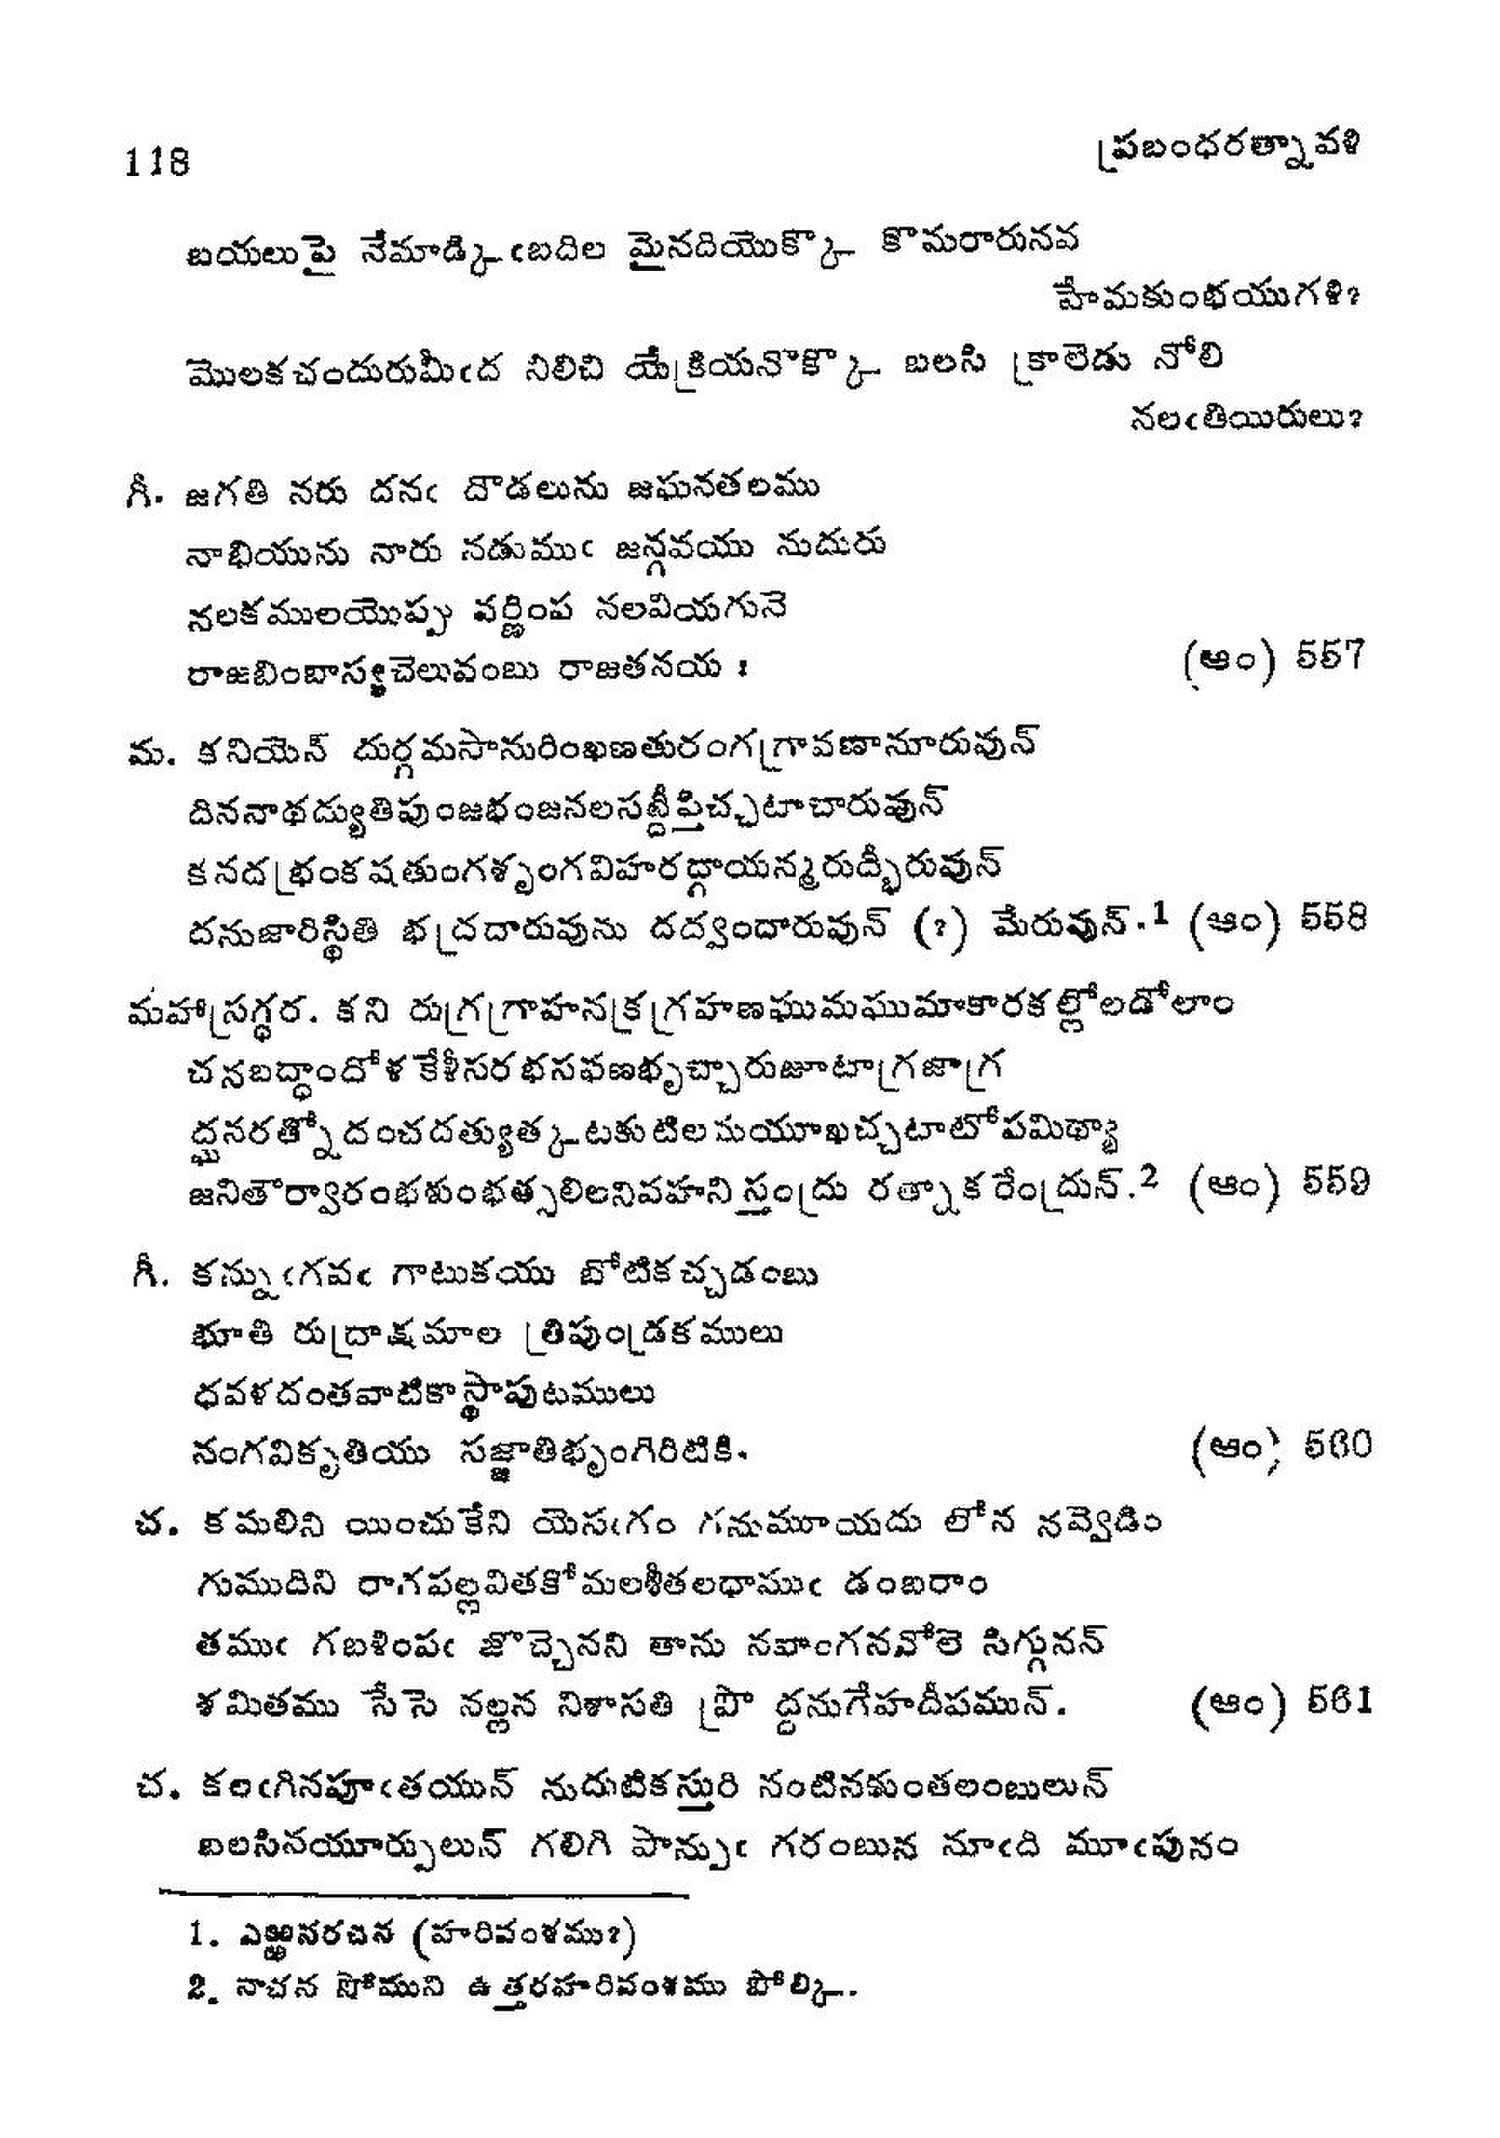బయలుపై నే మాడ్కిఁ బదిలమైనది యొక్కొ కొమరారు నవహేమ కుంభయుగళి?
మొలకచందురుమీఁద నిలిచి యే క్రియనొక్కొ బలసి క్రాలెడు నోలి నలఁతియిరులు?
గీ. జగతి నరు దనఁదొడలును జఘనతలము
నాభియును నారు నడుముఁజన్గవయు నుదురు
నలకములయొప్పు వర్ణింప నలవియగునె
రాజబింబాస్య చెలువంబు రాజతనయ! (ఆం) 557

మ. కనియెన్ దుర్గమ సానురింఖణ తురంగగ్రావణా నూరువున్
దిననాథద్యుతి పుంజభంజనల సద్దీపితిచ్ఛటాచారువున్
కనదభ్రంకషతుంగశృంగ విహరద్గాయన్మరుద్భీరువున్
దనుజారిస్థితి భద్రదారువును దద్వందారువున్ [?] మేరువున్. (ఆం) 558

మహాస్రగ్ధర. కని రుగ్రగ్రాహనక్రగ్రహణ ఘుమఘుమాకార కల్లోల డోలాం
చన బద్ధాందోళకేళీ సరభసఫణభృచ్చారుజూటాగ్ర జాగ్ర
ద్ఘన రత్నోదంచదత్యుత్కటకుటిల మయూఖచ్చటాటోప మిథ్యా
జనితౌర్వారంభ శుంభత్సలిల నివహ నిస్తంద్రు రత్నాకరేంద్రున్. (ఆం) 559

గీ. కన్నుఁగవఁ గాటుకయు బోటికచ్చడంబు
భూతి రుద్రాక్షమాల త్రిపుండ్రకములు
ధవళదంతవాటికాస్థాపుటములు
నంగవికృతియు సజ్జాతిభృంగిరిటికి. (ఆం) 560

చ. కమలిని యించుకేని యెసఁగం గనుమూయదు లోన నవ్వెడిం
గుముదిని రాగపల్లవిత కోమలశీతలధాముఁ డంబరాం
తముఁ గబళింపఁ జొచ్చెనని తాను నవాంగనవోలె సిగ్గునన్
శమితము సేసె నల్లన నిశాసతి ప్రొద్దను గేహదీపమున్. (ఆం) 561

చ. కలఁగిన పూఁతయున్ నుదుటికస్తురనంటిన కుతలంబులున్
బలసినయూర్పులున్ గలిగి పాన్పుఁ గరంబున నూఁది మూఁపు నం